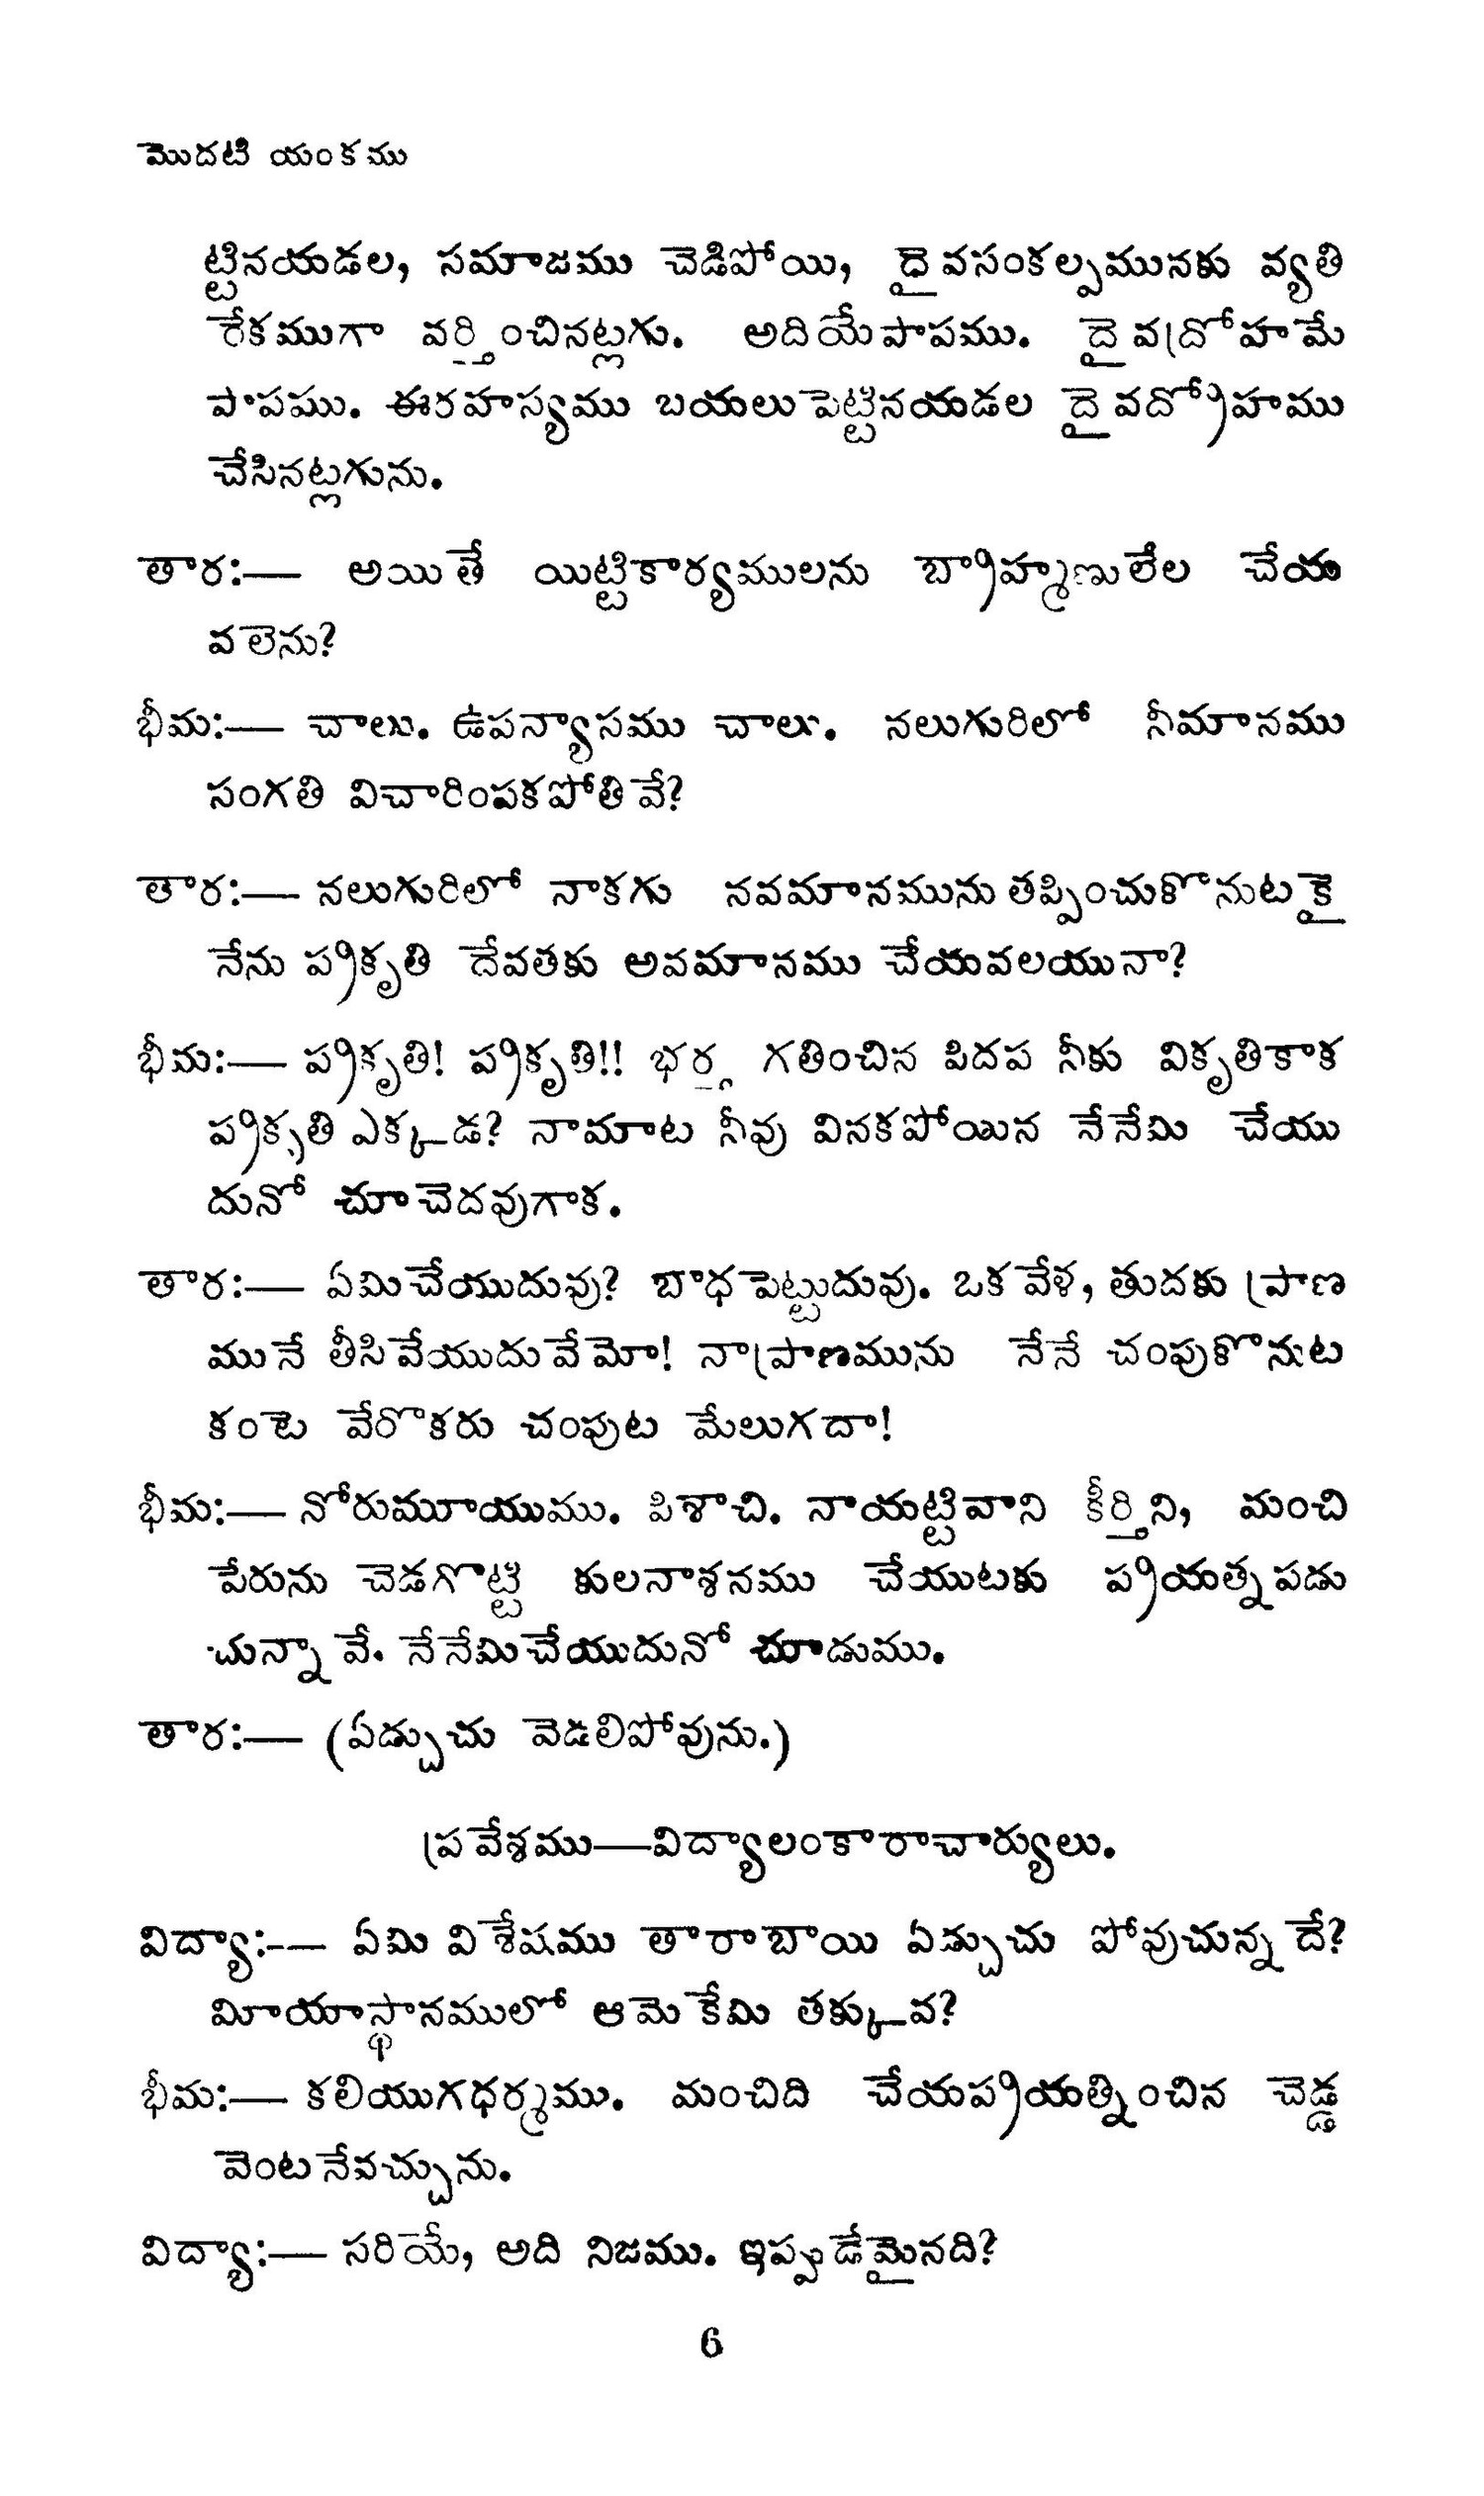ట్టినయడల, సమాజము చెడిపోయి, దైవసంకల్పమునకు వ్యతిరేకముగా వర్తించినట్లగు. అదియేపాపము. దైవద్రోహమే పాపము. ఈరహస్యము బయలుపెట్టినయడల దైవద్రోహము చేసినట్లగును.

తార:- అయితే యిట్టికార్యములను బ్రాహ్మణులేల చేయవలెను?

భీమ:- చాలు. ఉపన్యాసము చాలు. నలుగురిలో నీమానము సంగతి విచారింపకపోతివే?

తార:- నలుగురిలో నాకగు నవమానము తప్పించుకొనుటకై నేను ప్రకృతి దేవతకు అవమానము చేయవలయునా?

భీమ:- ప్రకృతి! ప్రకృతి!! భర్త గతించిన పిదప నీకు వికృతికాక ప్రకృతి ఎక్కడ? నామాట నీవు వినకపోయిన నేనేమి చేయుదునో చూచెదవుగాక.

తార:- ఏమిచేయుదువు? బాధపెట్టుదువు. ఒకవేళ, తుదకు ప్రాణమునే తీసివేయుదువేమో! నా ప్రాణమును నేనే చంపుకొనుటకంటె వేరొకరు చంపుట మేలుగదా!

భీమ: నోరుమూయుము. పిశాచి. నాయట్టివాని కీర్తిని, మంచిపేరును చెడగొట్టి కులనాశనము చేయుటకు ప్రయత్నపడుచుకున్నావే. నేనేమిచేయుదునో చూడుము.

తార:- (ఏడ్చుచు వెడలిపోవును.)

విద్యా:- ఏమి విశేషము తారాబాయి ఏడ్చుచు పోవుచున్నదే? మీయాస్థానములో ఆమె కేమి తక్కువ?

భీమ:- కలియుగధర్మము. మంచిది చేయప్రయత్నించిన చెడ్డ వెంటవచ్చును.

విద్యా:- సరియే, అది నిజము. ఇప్పుడేమైనది?